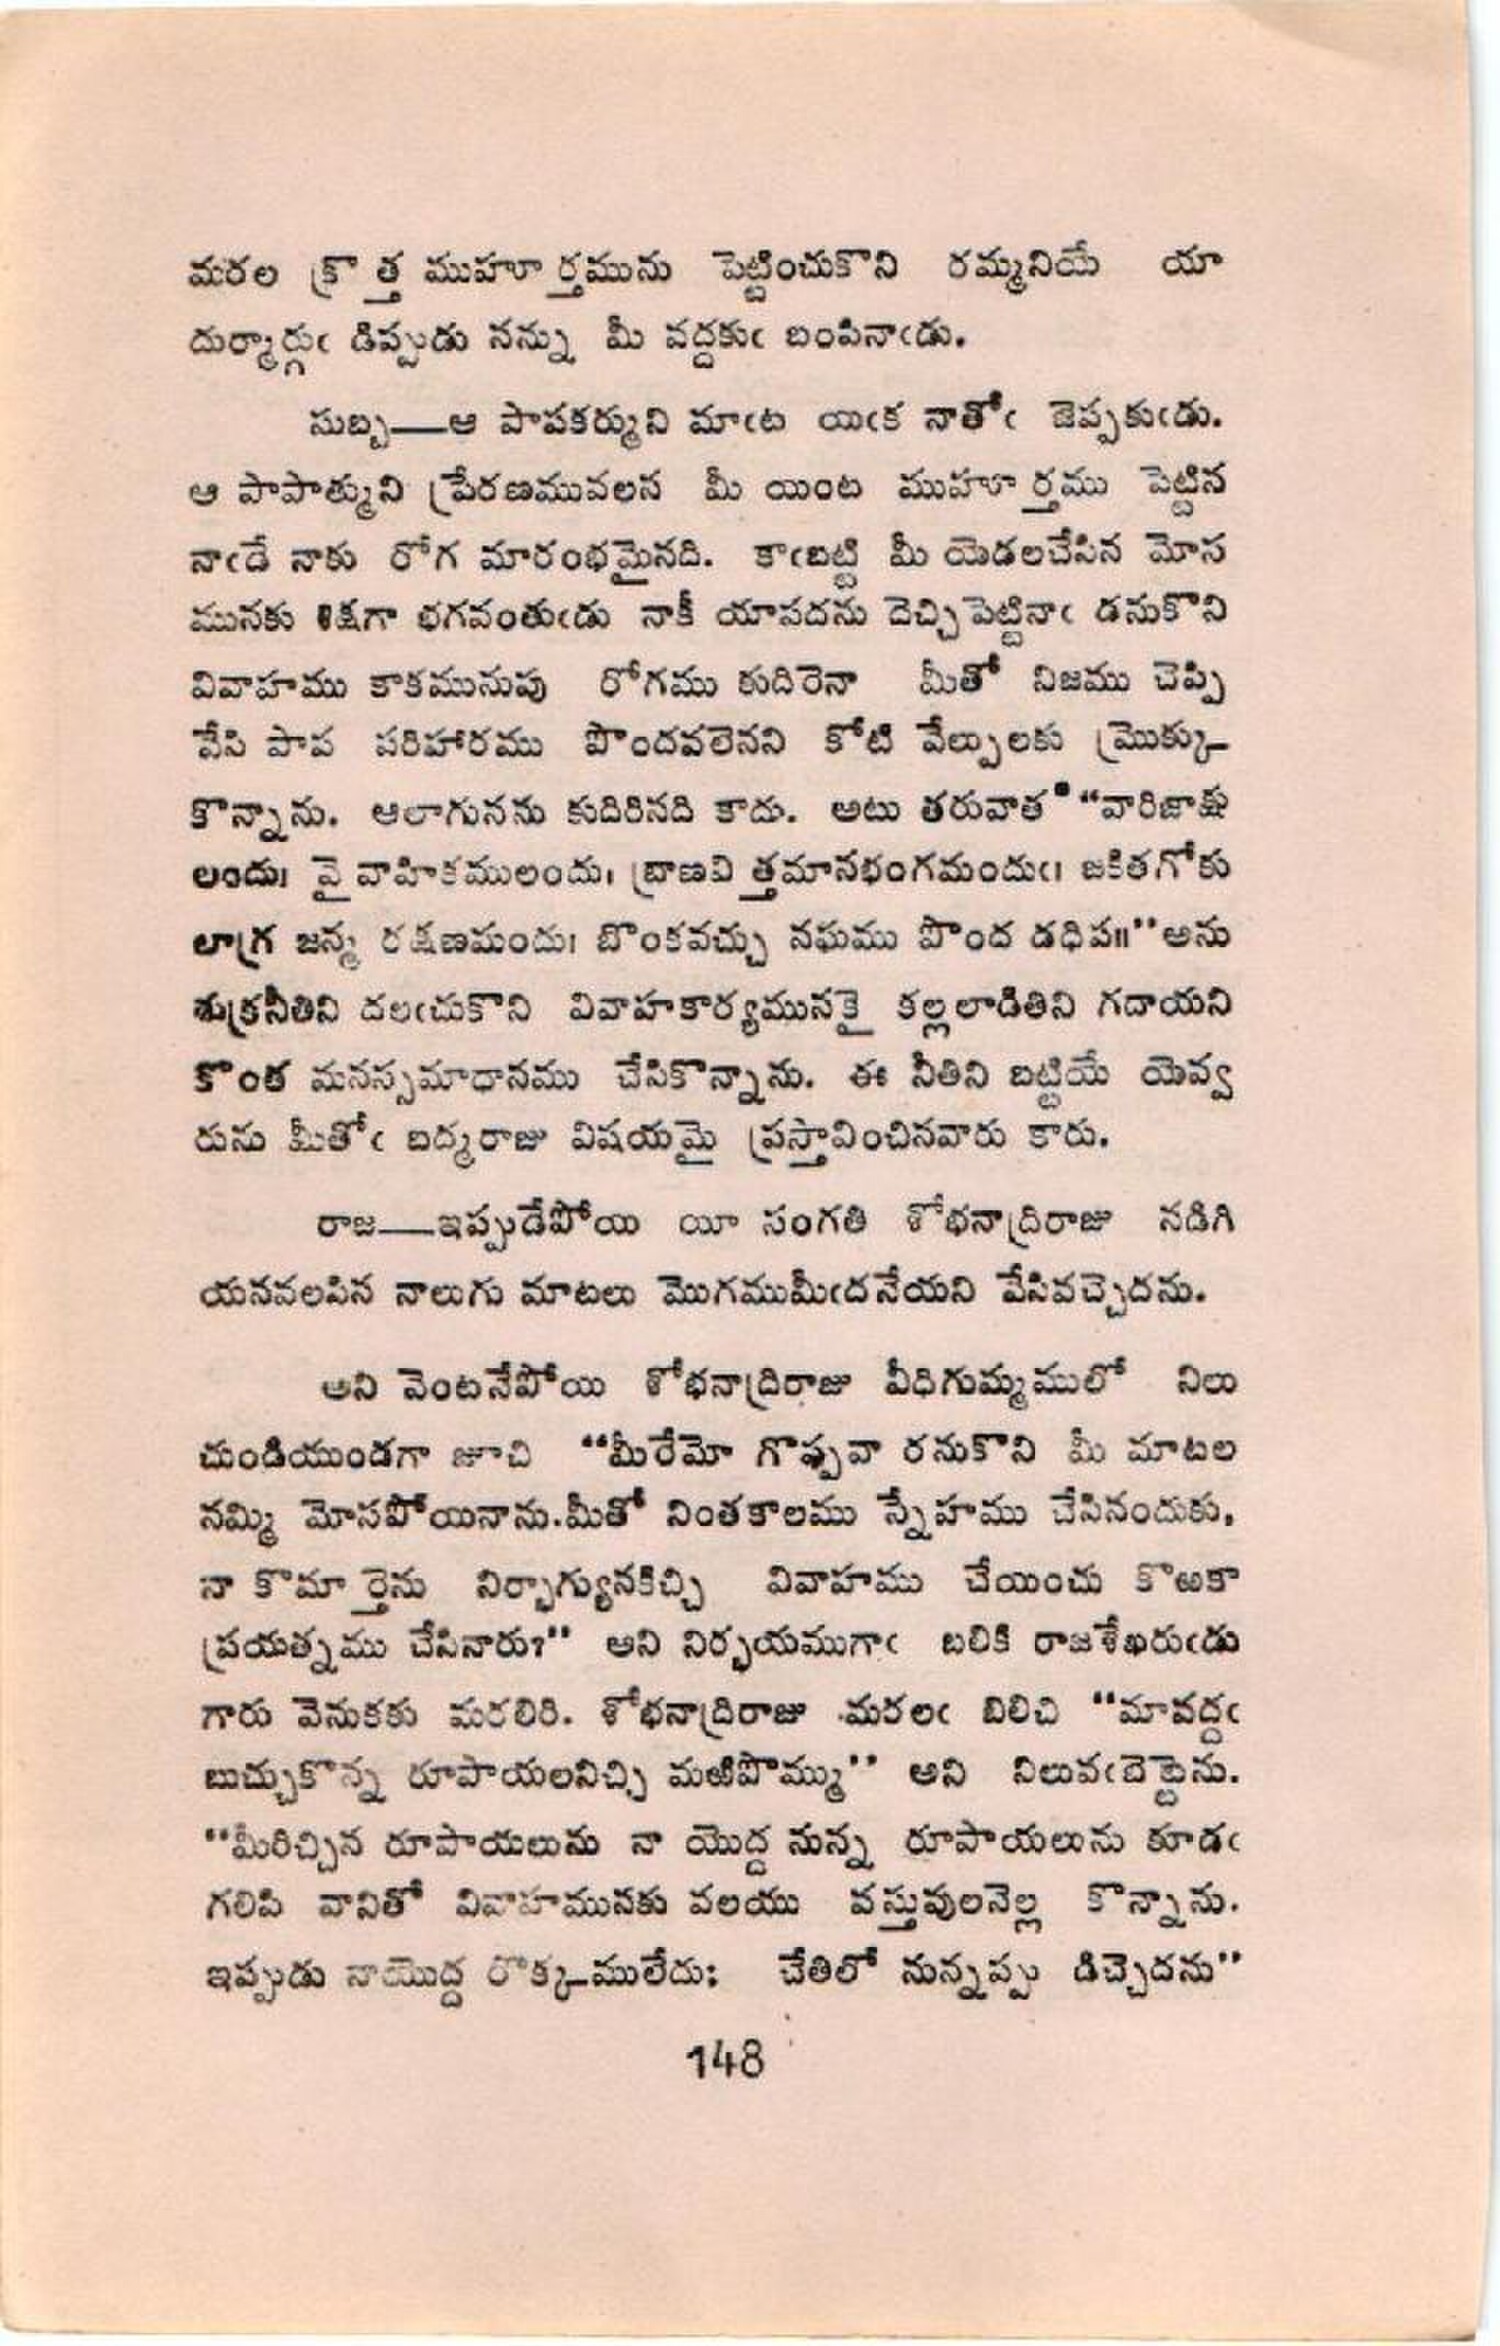మరల క్రొత్త ముహూర్తమును పెట్టించుకొని రమ్మనియే యా దుర్మార్గుఁ డిప్పు డు నన్ను మీ వద్దకుఁ బంపినాఁడు.

సుబ్బ__ఆ పాపకర్మని మాఁట యిఁక నాతోఁ జెప్పకుఁడు. ఆ పాపాత్ముని ప్రేరణమువలన మీ యింట ముహూర్తము పెట్టిన నాఁడే నాకు రోగ మారంభమైనది. కాబట్టి మీ యెడలచేసిన మోస మునకు శిక్షగా భగవంతుఁడు నాకీ యాపదను దెచ్చిపెట్టినాఁ డనుకొని వివాహము కాకమునుపు రోగము కుదిరెనా మీతో నిజము చెప్పి వేసి పాప పరిహారము పొందవలెనని కోటి వేల్పులకు మ్రొక్కుకొన్నాను. ఆలాగునను కుదిరినది కాదు, అటు తరువాత "వారిజాక్షు లందు వైవాహికములందు బ్రాణవిత్తమానభంగమందుఁ జకిత గోకు లాగ్ర జన్మ రక్షణమందు బొంకవచ్చు నఘము పొంద డధిప॥"అను శుక్రనీతిని దలచుకొని వివాహకార్యమునకై కల్లలాడితిని గదాయని కొంత మనస్సమాధానము చేసికొన్నాను. ఈ నీతిని బట్టియే యెవ్వ రును మీతోఁ బద్మరాజు విషయమై ప్రస్తావించినవారు కారు.

రాజ__ఇప్పుడే పోయి యీ సంగతి శోభనాద్రిరాజు నడిగి యనవలసిన నాలుగు మాటలు మొగముమీఁదనేయని వేసివచ్చెదను.

ఆని వెంటనేపోయి శోభనాద్రిరాజు వీధిగుమ్మములో నిలు చుండియుండగా జూచి "మీరేమో గొప్పవా రనుకొని మీ మాటల నమ్మి మోసపోయినాను.మీతో నింతకాలము స్నేహము చేసినందుకు, నా కొమార్తెను నిర్భాగ్యునకిచ్చి వివాహము చేయించు కొఱకా ప్రయత్నము చేసినారు?" అని నిర్భయముగాఁ బలికి రాజశేఖరుఁడు గారు వెనుకకు మరలిరి. శోభనాద్రిరాజు మరలఁ బిలిచి "మావద్దఁ బుచ్చుకొన్న రూపాయలనిచ్చి మఱిపొమ్ము' అని నిలువఁబెట్టెను. "మీరిచ్చిన రూపాయలును నా యొద్ద నున్న రూపాయలును కూడఁ గలిపి వానితో వివాహమునకు వలయు వస్తువులనెల్ల కొన్నాను. ఇప్పుడు నాయొద్ద రొక్కములేదు; చేతిలో నున్నప్పు డిచ్చెదను"